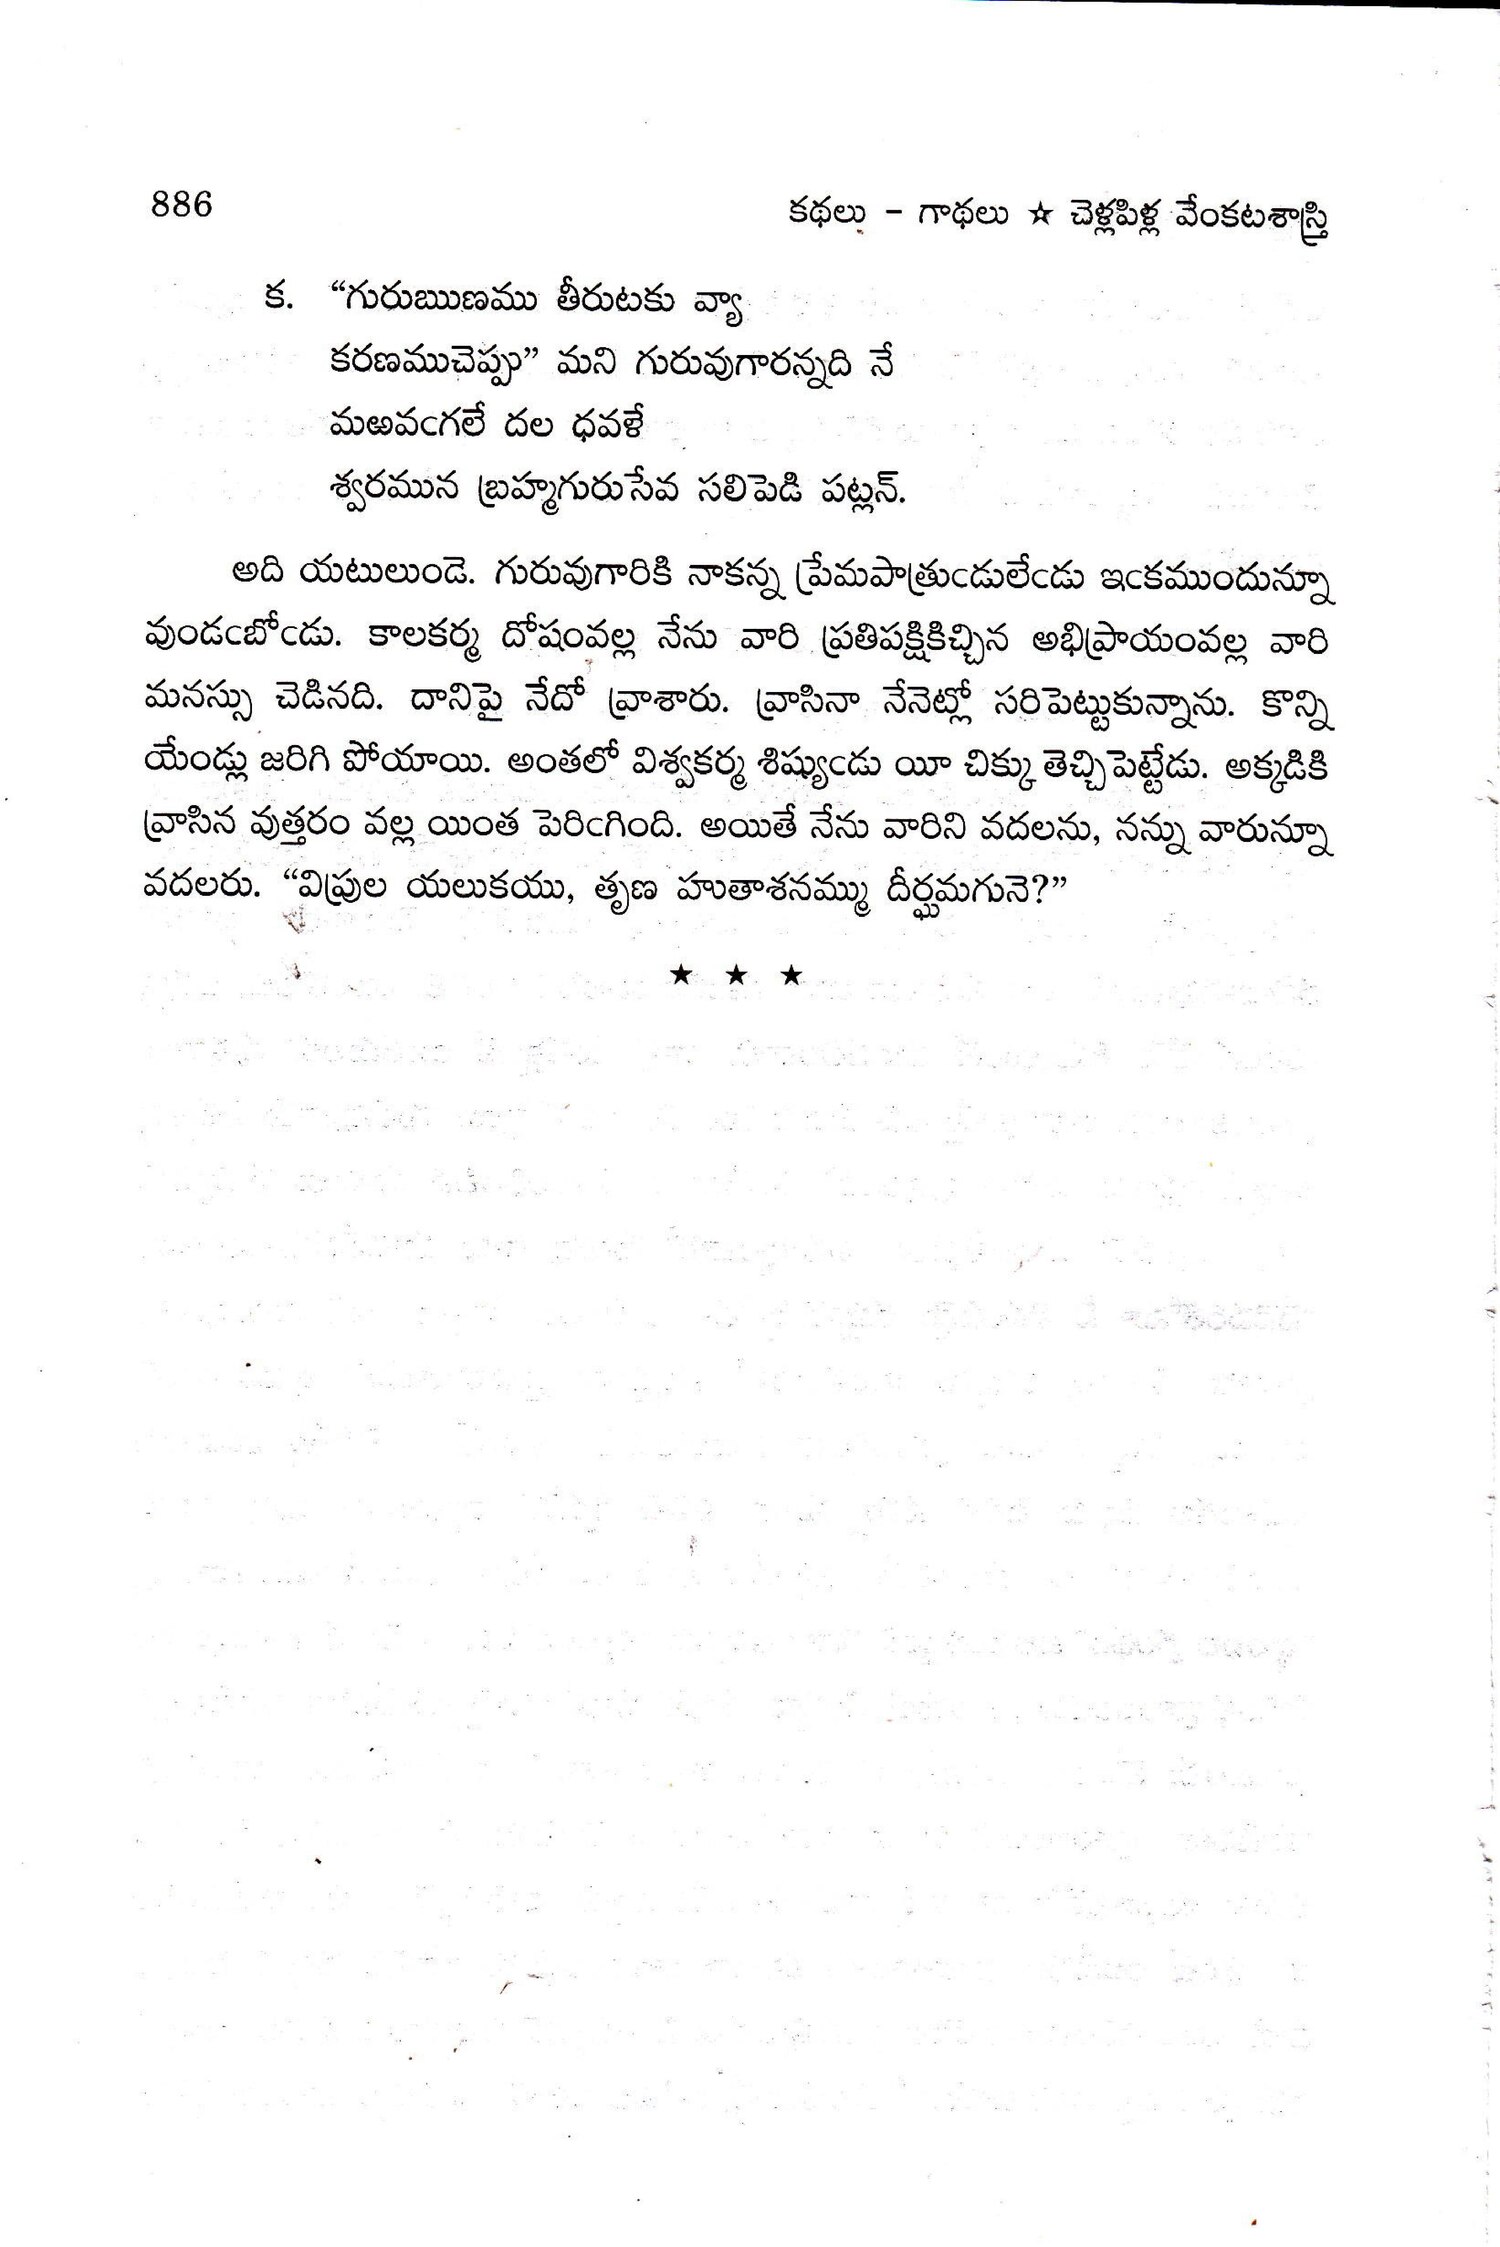క. “గురుబుణము తీరుటకు వ్యా
 కరణముచెప్పు" మని గురువుగారన్నది నే 
 మఱవఁగలే దల ధవళే 
 శ్వరమున బ్రహ్మగురుసేవ సలిపెడి పట్లన్.
అది యటులుండె, గురువుగారికి నాకన్న ప్రేమపాత్రుఁడులేఁడు ఇఁకముందున్నూ వుండఁబోఁడు. కాలకర్మ దోషంవల్ల నేను వారి ప్రతిపక్షికిచ్చిన అభిప్రాయంవల్ల వారి మనస్సు చెడినది. దానిపై నేదో వ్రాశారు. వ్రాసినా నేనెట్లో సరిపెట్టుకున్నాను. కొన్ని యేండ్లు జరిగి పోయాయి. అంతలో విశ్వకర్మ శిష్యుఁడు యీ చిక్కు తెచ్చిపెట్టేడు. అక్కడికి వ్రాసిన వత్తరం వల్ల యింత పెరిఁగింది. అయితే నేను వారిని వదలను, నన్ను వారున్నూ వదలరు. "విప్రుల యలకయు, తృణ హుతాశనమ్ము దీర్ఘమగునె?"